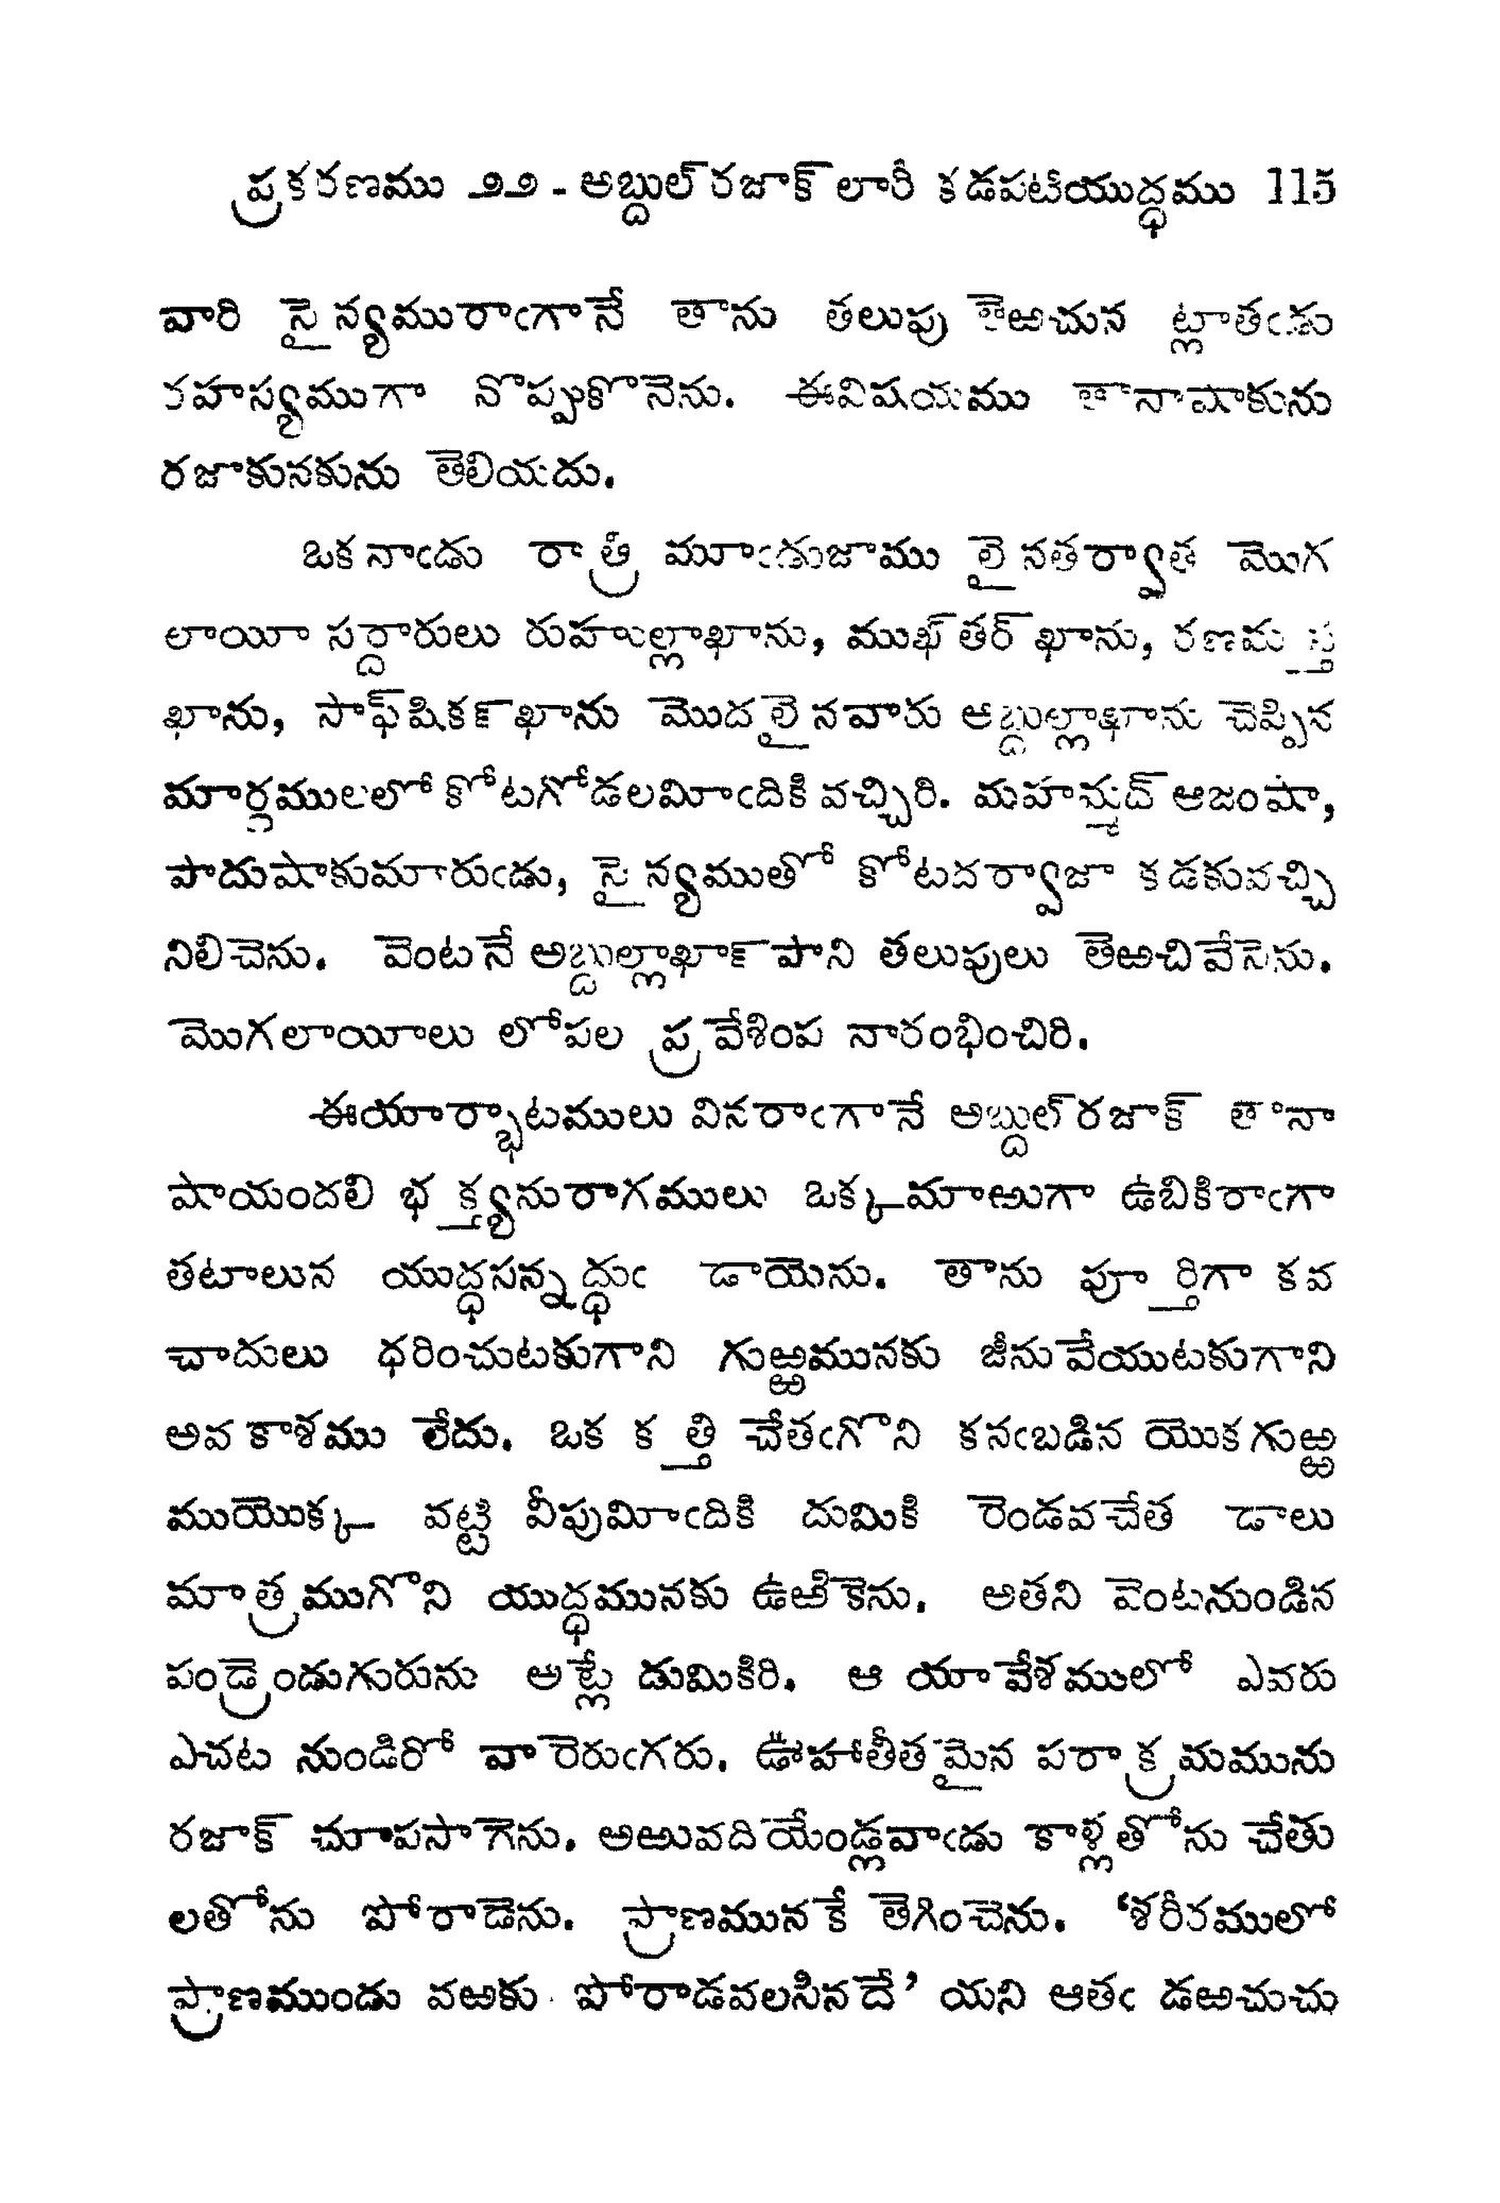వారి సైన్యమురాఁగానే తాను తలుపు తెఱచున ట్లాతఁడు రహస్యముగా నొప్పుకొనెను. ఈవిషయము తానాషాకును రజాకునకును తెలియదు.

ఒకనాఁడు రాత్రి మూఁడుజాము లైనతర్వాత మొగలాయీ సర్దారులు రుహుల్లాఖాను, ముఖ్‌తర్‌ఖాను, రణమస్తఖాను, సాఫ్‌షికౝఖాను మొదలైనవారు అబ్దుల్లాఖాను చెప్పిన మార్గములలో కోటగోడలమీఁదికి వచ్చిరి. మహమ్మద్ ఆజంషా, పాదుషాకుమారుఁడు, సైన్యముతో కోటదర్వాజా కడకువచ్చి నిలిచెను. వెంటనే అబ్దుల్లాఖాౝపాని తలుపులు తెఱచివేసెను. మొగలాయీలు లోపల ప్రవేశింప నారంభించిరి.

ఈయార్భాటములు వినరాఁగానే అబ్దుల్‌రజాక్ తానాషాయందలి భక్త్యనురాగములు ఒక్కమాఱుగా ఉబికిరాఁగా తటాలున యుద్ధసన్నద్ధుఁ డాయెను. తాను పూర్తిగా కవచాదులు ధరించుటకుగాని గుఱ్ఱమునకు జీనువేయుటకుగాని అవ కాశము లేదు. ఒక కత్తి చేతఁగొని కనఁబడిన యొక గుఱ్ఱముయొక్క వట్టి వీపుమీఁదికి దుమికి రెండవచేత డాలు మాత్రముగొని యుద్ధమునకు ఉఱికెను. అతని వెంటనుండిన పండ్రెండుగురును అట్లే దుమికిరి. ఆ యావేశములో ఎవరు ఎచట నుండిరో వారెరుఁగరు. ఊహాతీతమైన పరాక్రమమును రజాక్ చూపసాగెను. అఱువదియేండ్లవాఁడు కాళ్లతోను చేతులతోను పోరాడెను. ప్రాణమునకే తెగించెను. ‘శరీరములో ప్రాణముండు వఱకు పోరాడవలసినదే’ యని ఆతఁ డఱచుచు